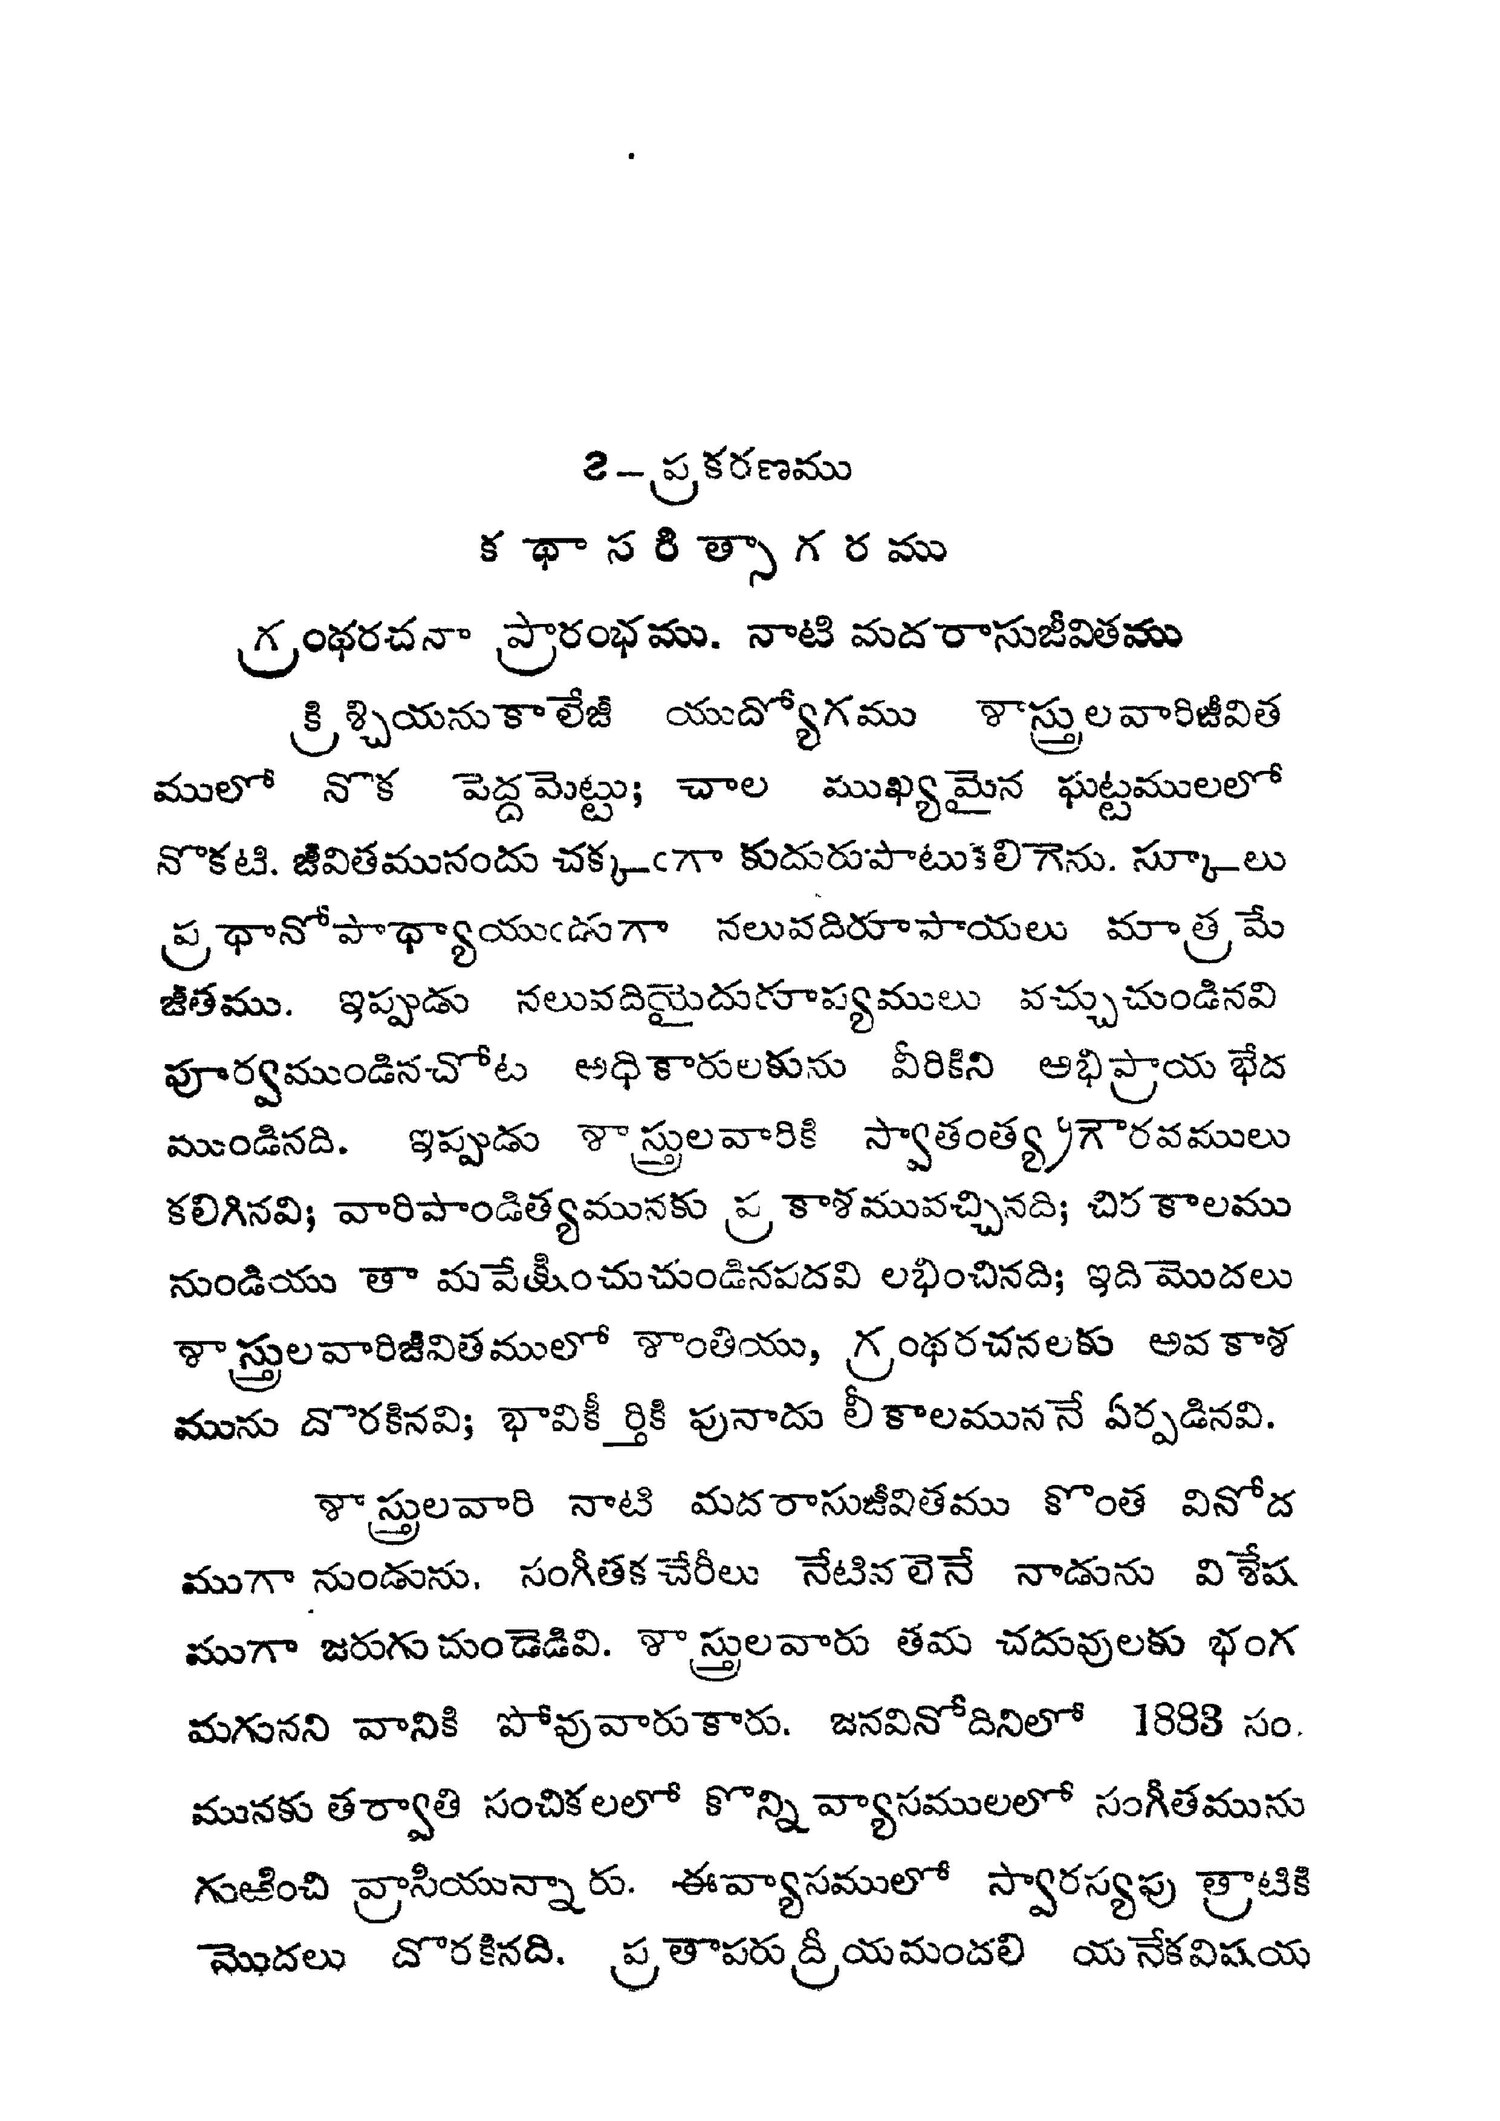క్రిశ్చియనుకాలేజి యుద్యోగము శాస్త్రులవారిజీవితములో నొక పెద్దమెట్టు; చాల ముఖ్యమైన ఘట్టములలో నొకటి. జీవితమునందు చక్కగా కుదురుపాటుకలిగెను. స్కూలు ప్రథానోపాథ్యాయుడుగా నలువదిరూపాయలు మాత్రమే జీతము. ఇప్పుడు నలువదియైదురూప్యములు వచ్చుచుండినవి. పూర్వముండినచోట అధికారులకును వీరికిని అభిప్రాయభేదముండినది. ఇప్పుడు శాస్త్రులవారికి స్వాతంత్ర్యగౌరవములు కలిగినవి; వారి పాండిత్యమునకు ప్రకాశమువచ్చినది; చిరకాలమునుండియు తా మపేక్షించుచుండినపదవి లభించినది; ఇది మొదలు శాస్త్రులవారిజీవితములో శాంతియు, గ్రంథరచనలకు అవకాశమును దొరకినవి; భావికీర్తికి పునాదు లీకాలముననే ఏర్పడినవి.

శాస్త్రులవారి నాటి మదరాసుజీవితము కొంత వినోదముగా నుండును. సంగీతకచేరీలు నేటివలెనే నాడును విశేషముగా జరుచుండెడివి. శాస్త్రులవారు తమ చదువులకు భంగమగునని వానికి పోవువారుకారు. జనవినోదినిలో 1883 సం. మునకు తర్వాతి సంచికలలో కొన్నివ్యాసములలో సంగీతమును గుఱించి వ్రాసియున్నారు. ఈవ్యాసములో స్వారస్యపు త్రాటికి మొదలు దొరకినది. ప్రతాపరుద్రీయమందలి యనేకవిషయ